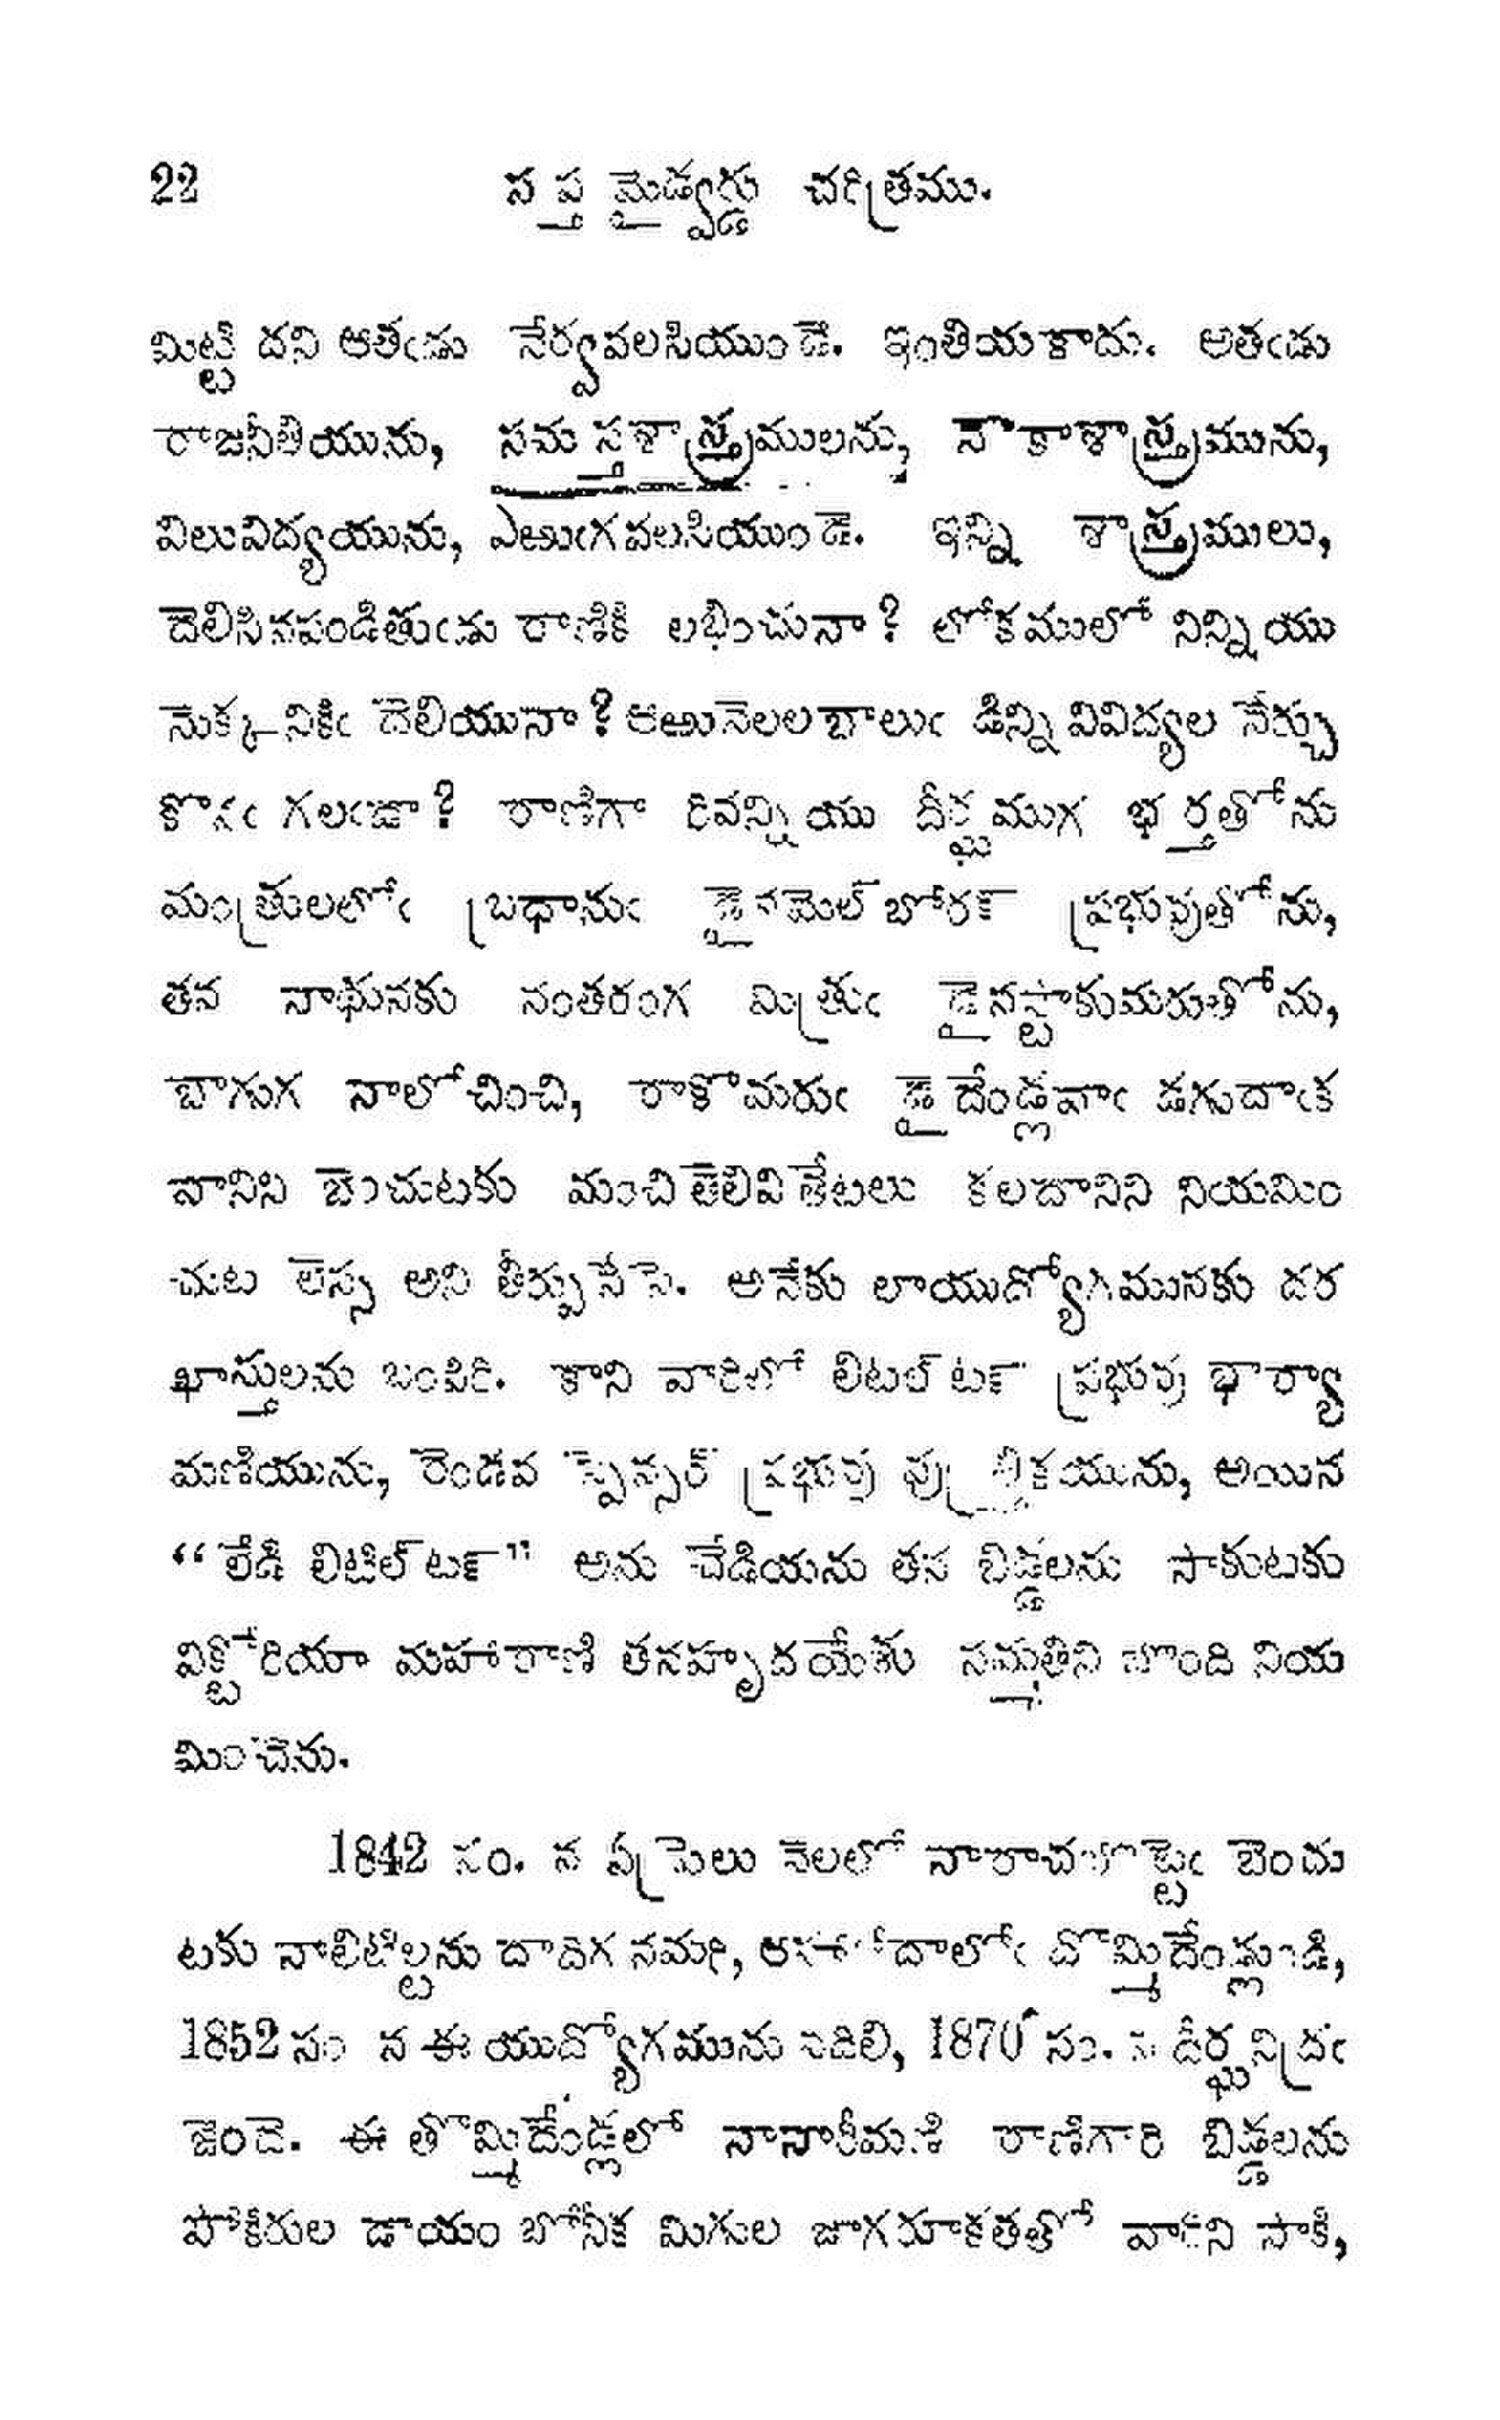మిట్టి దని అతఁడు నేర్వవలసియుం డే. ఇంతియకాదు.. అతఁడు రాజనీతి యును, సమస్తశాస్త్రములను, నౌకాశాస్త్రమును,విలువిద్యయును, ఎఱుఁగవలసియుండె. ఇన్ని శాస్త్రములు,
దెలిసినపండితుఁడు రాణికి లభించునా? లోకములో నిన్నియు నొక్కనికి తెలియునా? ఆఱు నెలల బాలుఁ డిన్ని వివిద్యలు నేర్చుకొన గలడా రాణిగా రివన్నియు దీర్ఘముగ భర్తతోను మంత్రులలో ప్రధాను. డైనమెల్ బోరన్ ప్రభుపుతోను, తన నాథునకు నంతరంగ మిత్రుఁ డైన స్టాకుమరుతోను,
బాగుగ నాలోచించి, రాకోమరుఁ దేండ్ల వాఁడగుదాక వానిని బెంచుటకు మంచి తెలివి తేటలు కలదానిని నియమించుట లెస్స అని తీర్పు నే సె., అనేకు లాయుద్యోమునకు దర
ఖాస్తులను బంపిరి. కానీ వారిలో లిటల్ టన్" ప్రభువు భార్యామణియును, రెండవ "స్పెన్సర్ ప్రభువు పుత్రికయును, అయిన " లేడీ లిటిల్ టన్ " అను చేడియను తన బిడ్డలను సాకుటకు
విక్టోరియా మహారాణి తనహృదయేశు సమ్మతిని బొంది నియమించెను.

1842 సం. న ఏప్రిలు నేలలో నారాచు బొట్టె బెంచుటకు నాలిటిట్టను దాదిగ నమరి ఆహోదాలో బొమ్మిదేండ్లుండి, 1852 సః న ఈ యుద్యోగమును వదిలి, 1870 సం. 3. దీర్ఘనిద్రః
జెందె. ఈ తొమ్మిదేండ్లలో నానారీమణి రాణీగారి బిడ్డలనుపోకిరీల డాయం బోనీక మిగుల జూగరూకతతో వారిని సాకి,